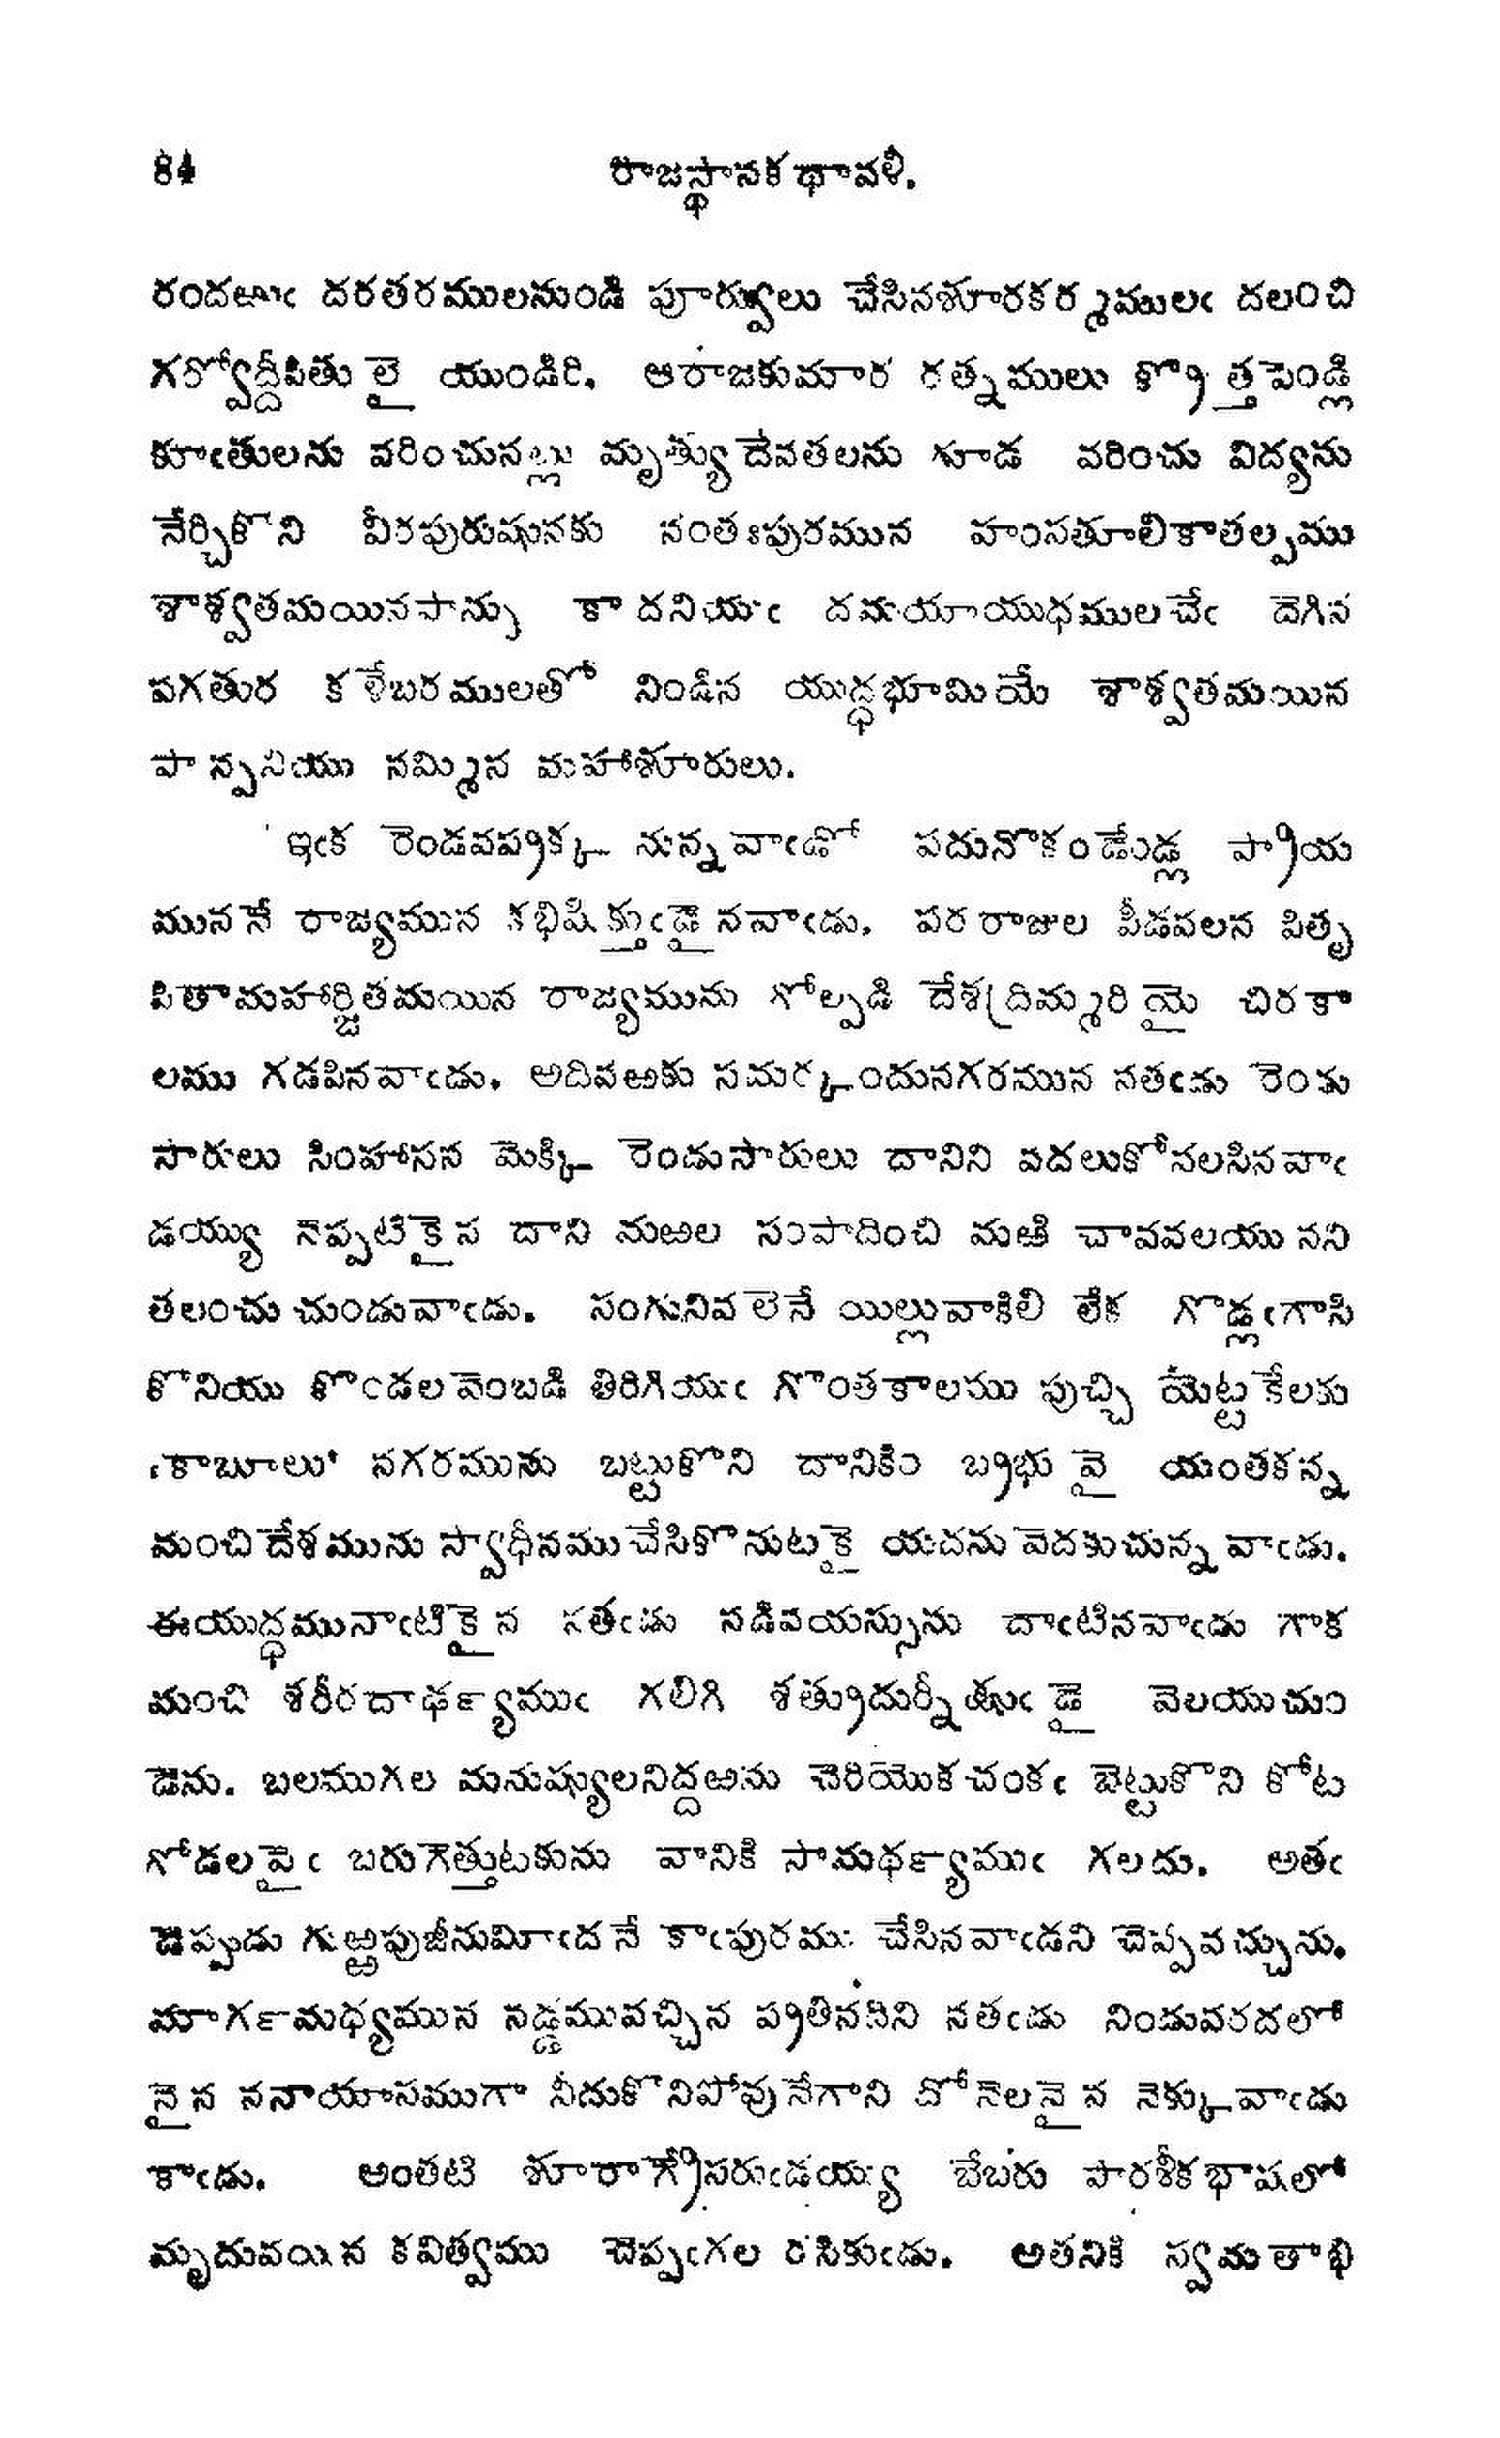రందఱుఁ దరతరములనుండి పూర్వులు చేసినశూరకర్మములఁ దలంచి గర్వోద్దీపితులై యుండిరి, ఆ రాజకుమార రత్నములు క్రోత్త పెండ్లి
కూఁతులను వరించునట్లు మృత్యు దేవతలను గూడ వరించు విద్యను నేర్చికొని వీరపురుషునకు నంతఃపురమున హంసతూలికాతల్పము
శాశ్వతమయిన పాన్పు కాదనియుఁ దమయా యుధములచేఁ దెగిన పగతుర కళేబరములతో నిండిన యుద్ధ భూమియే శాశ్వతమయిన
పాంపనియు నమ్మిన మహాశూరులు.

ఇక రెండవపక్క నున్నవాఁడో పదునొకండేండ్ల ప్రాయముననే రాజ్యమున కభిషిక్తుఁడైనవాఁడు, పర రాజుల పీడవలన పితృ పితామహార్జితమయిన 'రాజ్యమును గోల్పడి దేశద్రిమ్మరియై చిరకాలము గడపినవాఁడు. అదివఱకు సమర్కందునగరమున నతఁడు రెండు
సారులు సింహాసన మెక్కి రెండుసారులు దానిని వదలుకోవలసినవాఁడయ్యు నెప్పటికైనా దాని మఱల సంపాదించి మఱి చావవలయునని
తలంచుచుండువాఁడు. సంగునివలెనే యిల్లువాకిలి లేక గొడ్లఁగాసి కొనియు కొండల వెంబడి తిరిగియుఁ గొంతకాలము పుచ్చి యెట్టకేలకు
కాబూలు' నగరమును బట్టుకొని దానికి బ్రభువై యంతకన్న మంచి దేశమును స్వాధీనము చేసికొనుటకై యదను వెదకుచున్న వాఁడు.
ఈ యుద్ధమునాఁటికైన నతఁడు సడివయస్సును దాఁటినవాఁడు గాక మంచి శరీర దాఢ్యముఁ గలిగి శత్రు దుర్నీక్షుఁడై వెలయుచుండెను. బలముగల మనుష్యులనిద్దఱను చెరియొక చంకఁ బెట్టుకొని కోట గోడలపైఁ బరు గెత్తుటకును వానికి సామధ్యముఁ గలదు, అతఁడెప్పుడు గుఱ్ఱపుజీనుమీఁదనే కాఁపురము చేసిన వాఁడని చెప్పవచ్చును. మాగ౯మధ్యమున నడ్డమువచ్చిన ప్రతినదిని నతఁడు నిండువరదలో
నైన ననాయాసముగా నీదుకొనిపోవునేగాని దోనెలనై న నెక్కువాఁడు కాఁడు అంతటి శూరాగ్రేసరుఁడయ్యు 'బేబరు పారశీక భాషలో
మృదువయిన కవిత్వము చెప్పఁగల రసికుఁడు. అతనికి స్వమతాభి